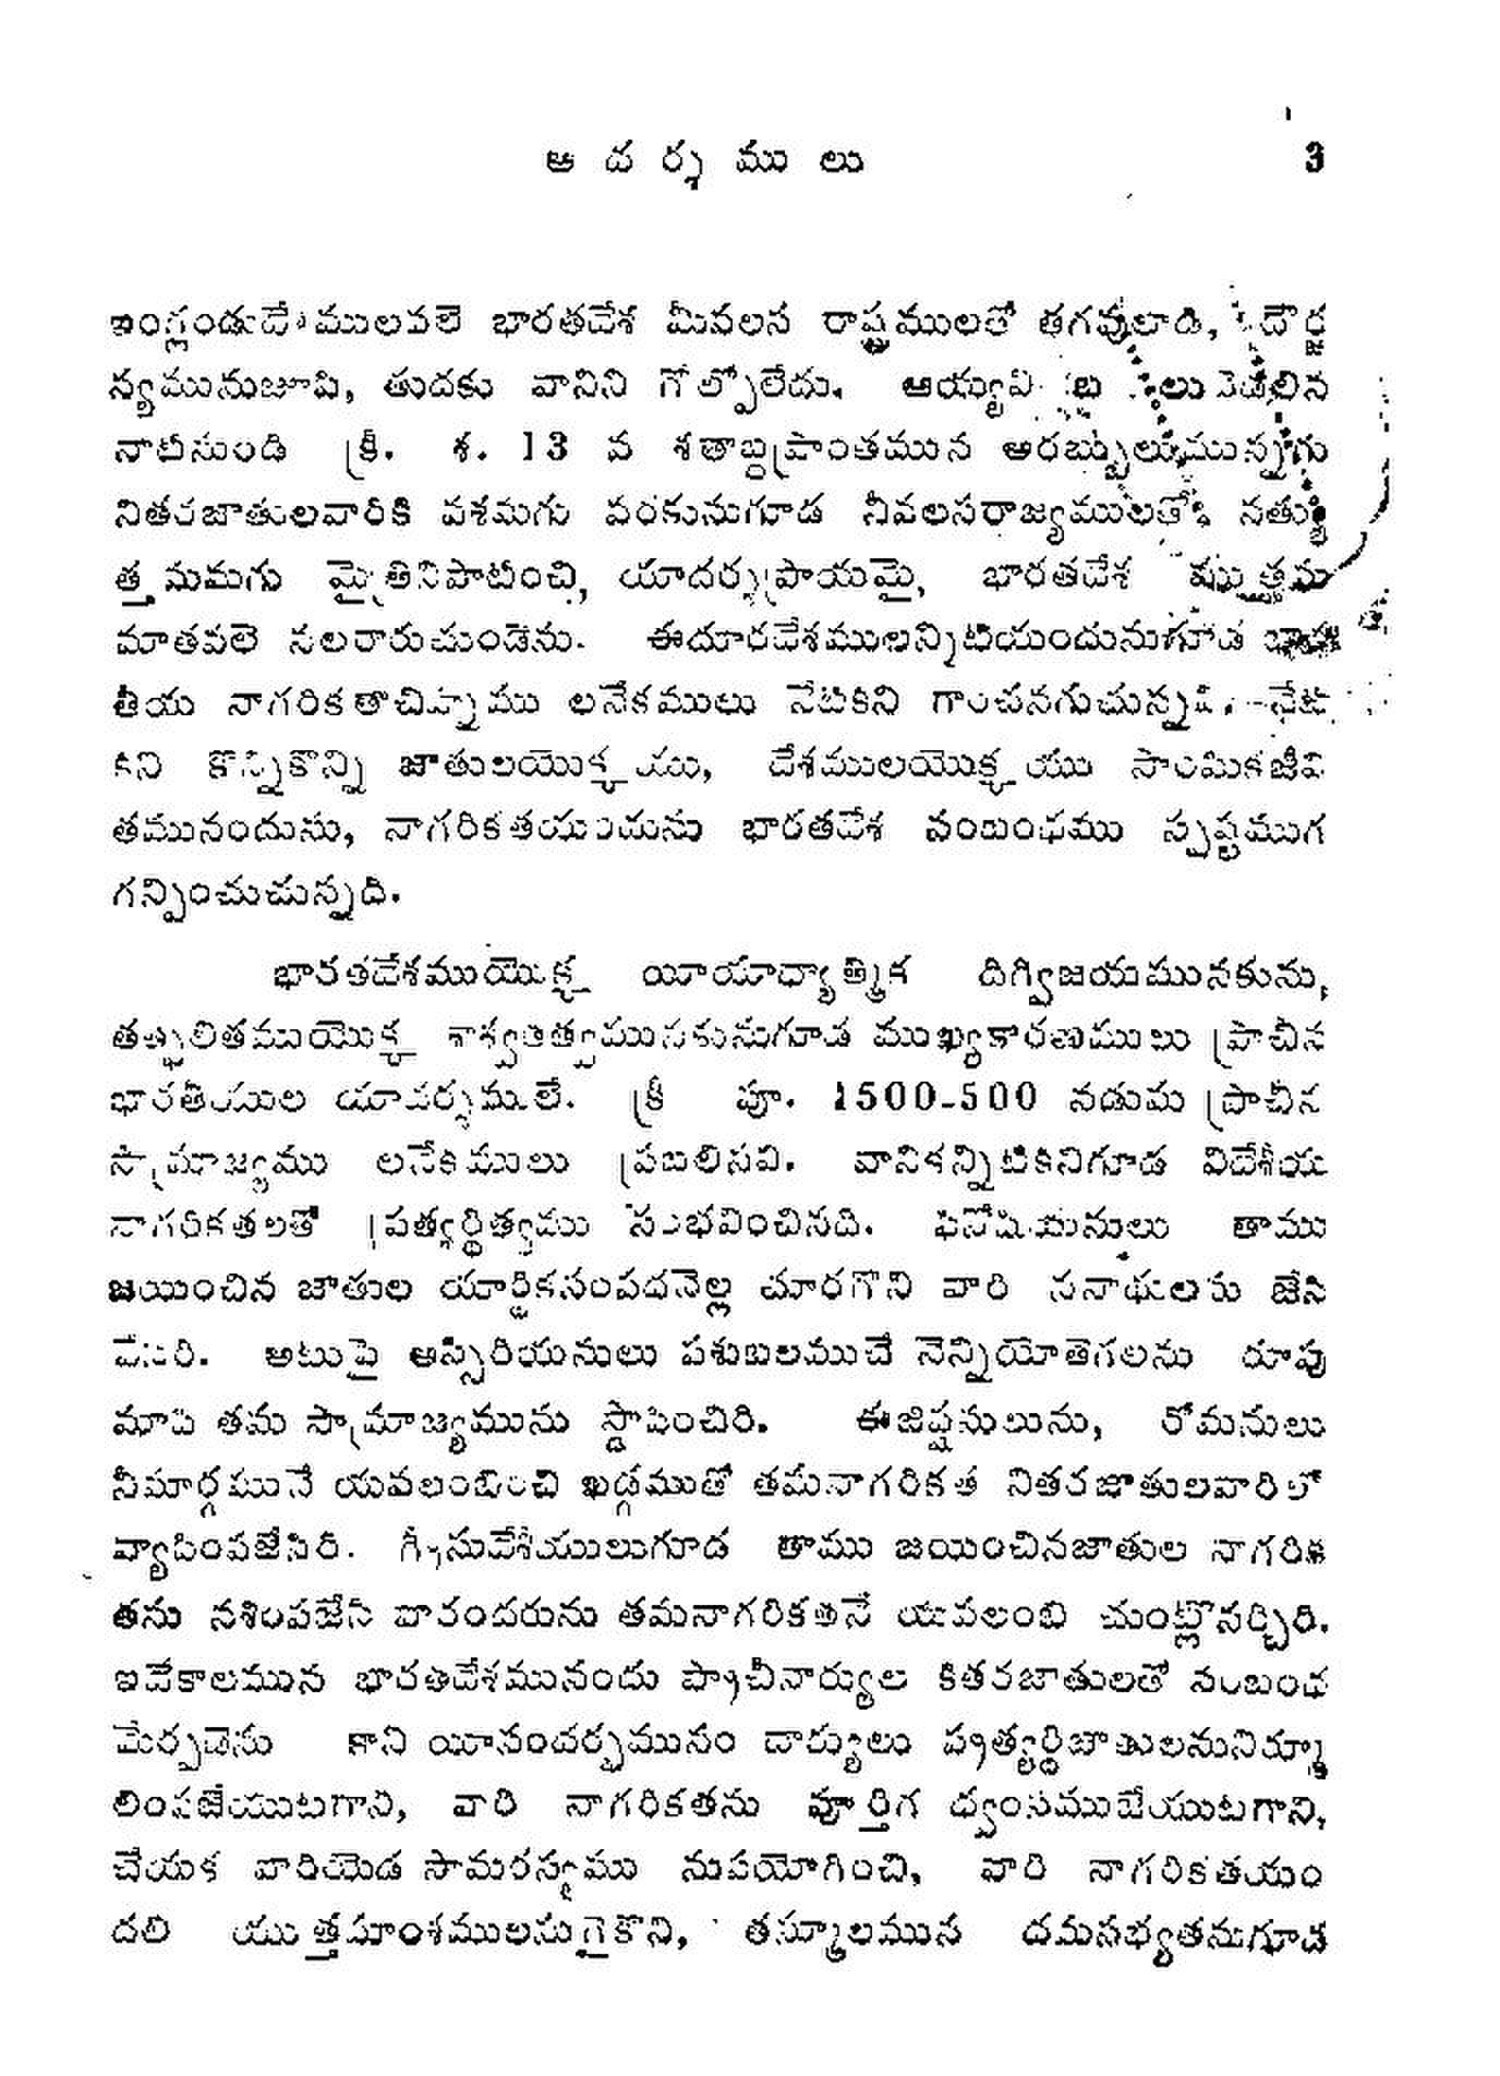ఇంగ్లండుదేశములవలె భారతదేశ మీవలస రాష్ట్రములతో తగవులాడి, దౌర్జన్యమునుజూపి, తుదకు వానిని గోల్పలేదు. అయ్యవి బయలువెడలిన నాటినుండి క్రీ. శ. 13 వ శతాబ్దప్రాంతామున అరబ్బులు, మున్నగు నితరజాతులవారికి వశమగు వరకునుగూడ నీవలసరాజ్యములతో, నత్యుత్తమమగు మైత్రినిపాటించి, యాదర్శప్రాయమై, భారతదేశ ముత్తమ మాతవలె నలరారుచుండెను. ఈదూరదేశములన్నిటియందునుగూడ భారతీయ నాగరికతాచిహ్నము లనేకములు నేటికిని గాంచనగుచున్నవి. నేటికిని కొన్నికొన్ని జాతులయొక్కయు, దేశములయొక్కయు సాంఘికజీవితమునందును, నాగరికతయందును భారతదేశ సంబంధము స్పష్టముగ గంపించుచున్నది.

భారతదేశముయొక్క యీయాధ్యాత్మిక దిగ్విజయమునకును, తత్పలితముయొక్క శాశ్వతత్వమునకునుగూడ ముఖ్యకారణములు ప్రాచీన భారతీయుల యాదర్శములే. క్రీ. పూ. 1500-500 నడుమ ప్రాచీన సామ్రాజ్యము లనేకములు ప్రబలినవి. వానికన్నిటికినిగూడ విదేశీయ నాగరీకతలతో ప్రత్యర్థిత్వము సంభవించినది. ఫినోషియనులు తాముజయించిన జాతుల యార్థికసంపదనెల్ల చూరగొని వారి ననాథులను జేసివేసిరి. అటుపై అస్సిరియనులు పశుబలముచే నెన్నియోతెగలను రూపుమాపి తమ సామ్రాజ్యమును స్థాపించిరి. ఈజిప్షనులును, రోమనులు నీమార్గమునే యవలంబించి ఖడ్గముతో తమనాగరికత నితరజాతులవారిలో వ్యాపింపజేసిరి. గ్రీసుదేశీయులుగూడ తాము జయించినజాతుల నాగరికతను నశింపజేసి వారందరును తమనాగరికతనే యవలంబి చుంట్లొనర్చిరి. ఇదేకాలమున భారతదేశమునందు ప్రాచీనార్యుల కితరజాతులతో సంబంధమేర్పడెను. కాని యీసందర్భమునం దార్యులు ప్రత్యర్దిజాతులను నిర్మూలింపజేయుటగాని, వారి నాగరికతను పూర్తిగ ద్వంసముజేయుటగాని, చేయక వారియెడ సామరస్యము నుపయోగించి, వారి నాగరికతయందలి యుత్తమాంశములనుగైకొని, తన్మూలమున దమసభ్యతనుగూడ